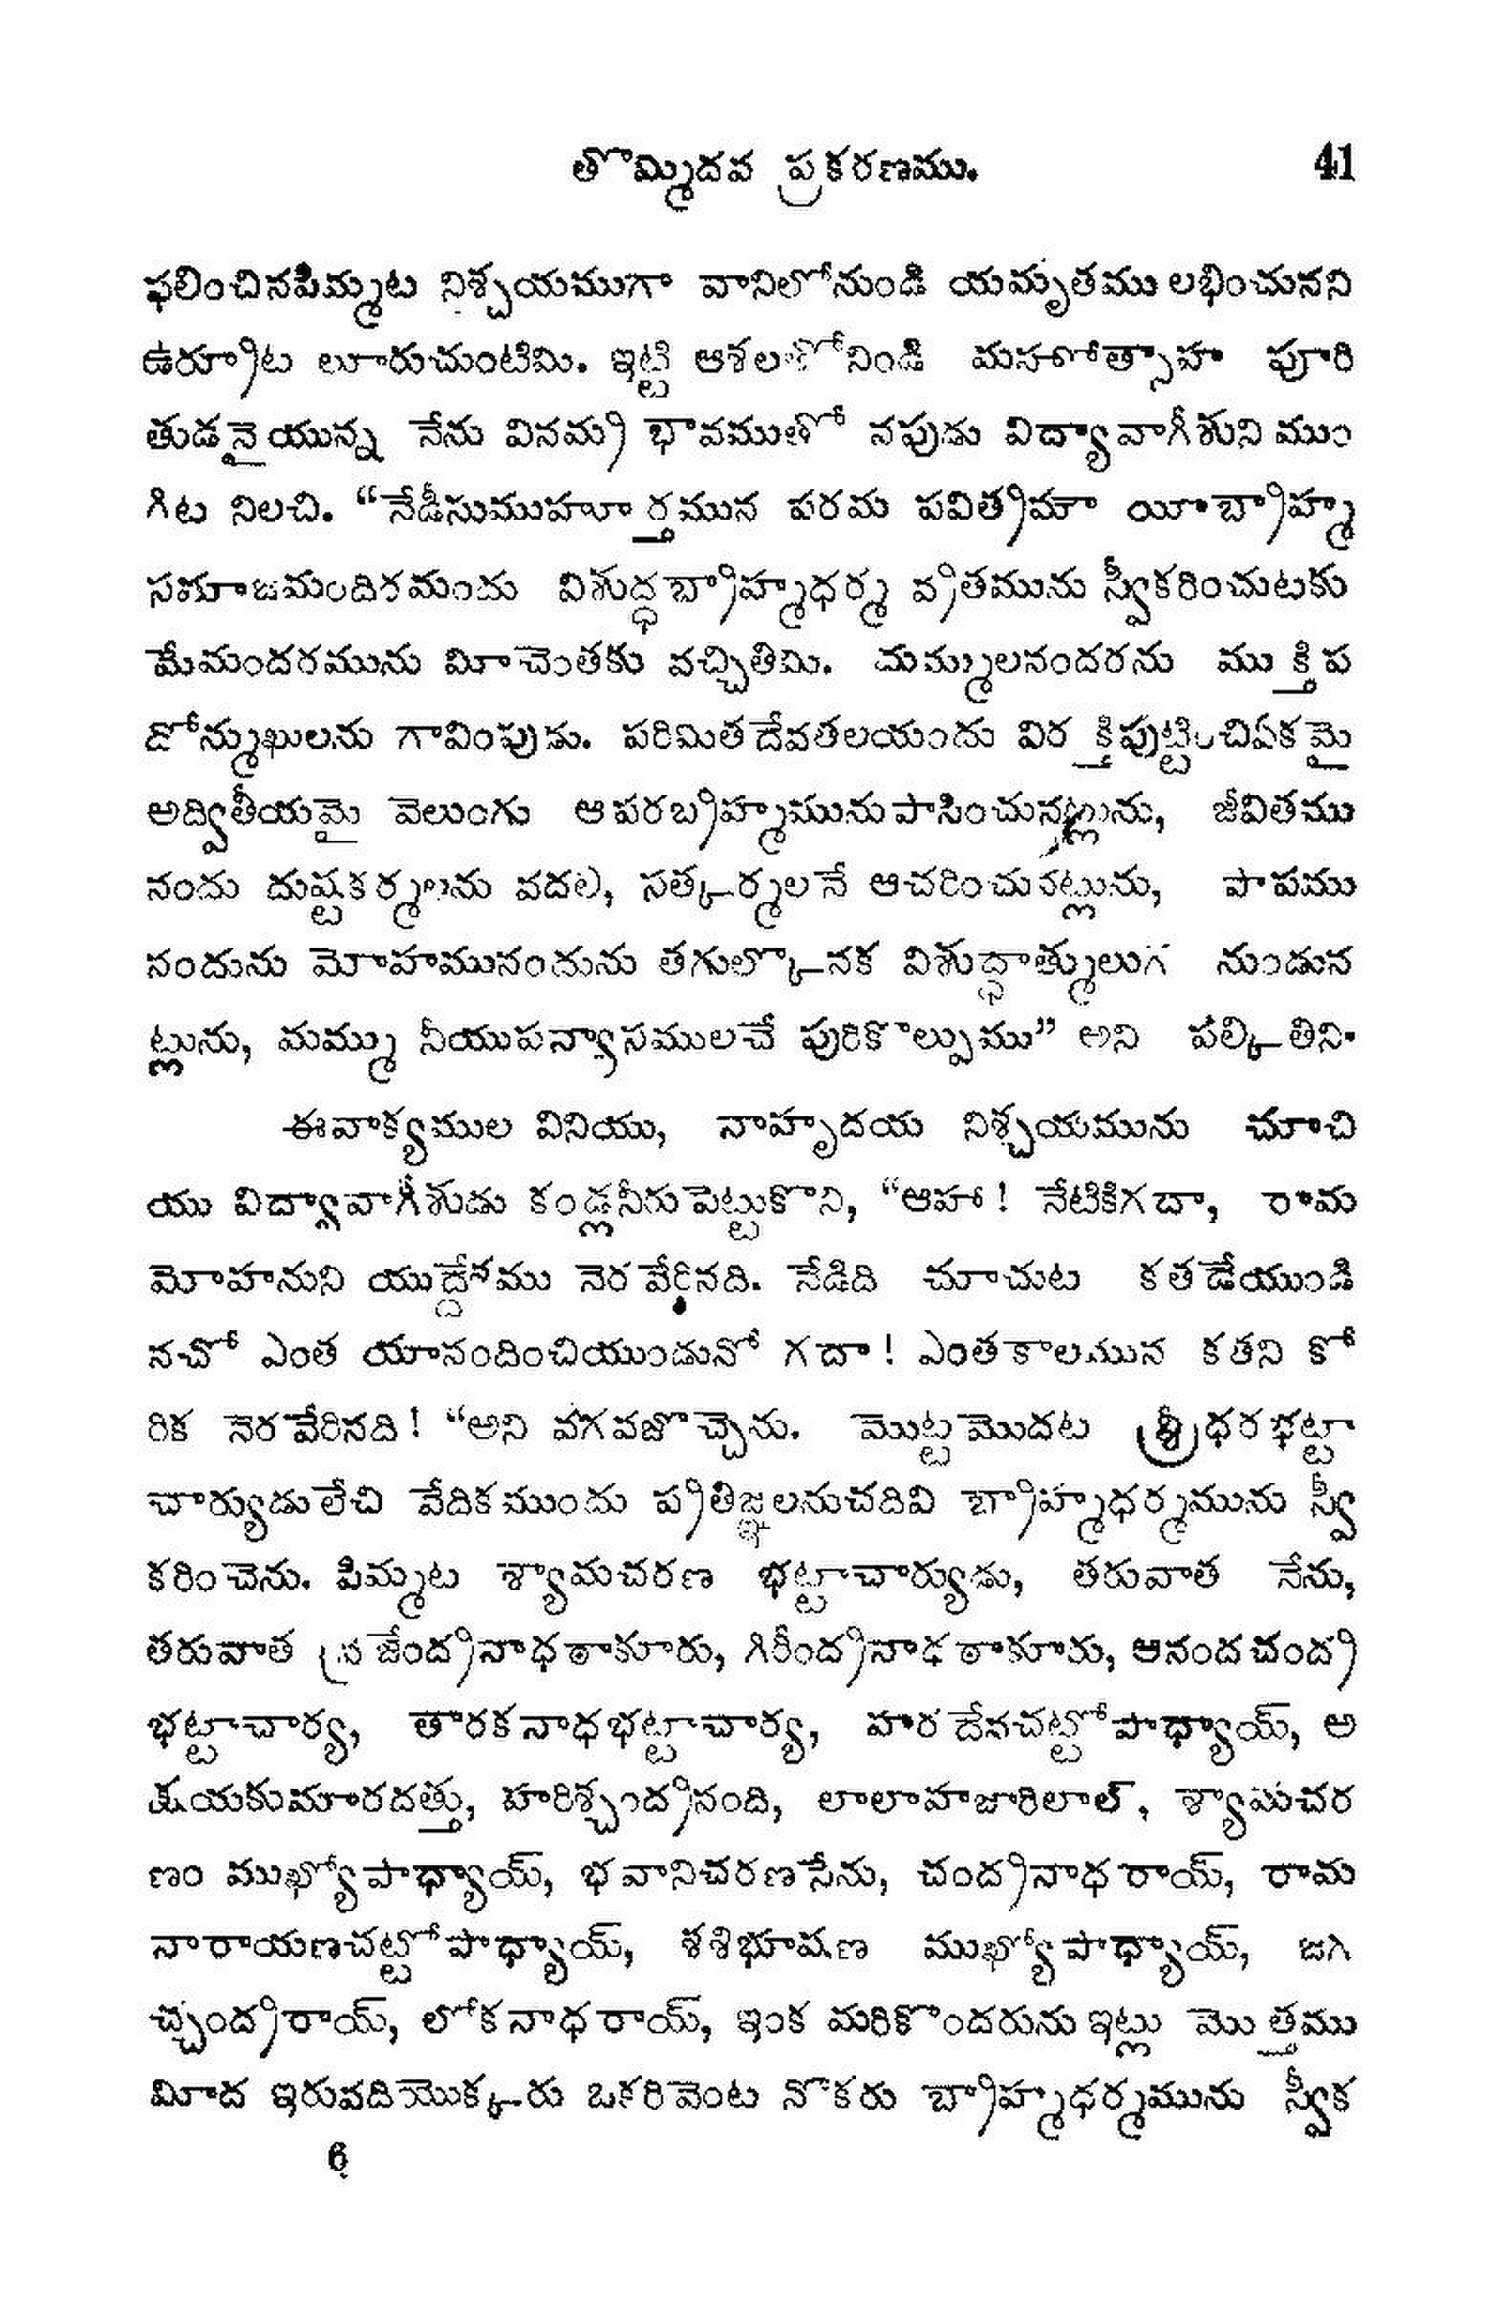ఫలించిన పిమ్మట నిశ్చయముగా వానిలో నుండి యమృతము లభించునని
ఉర్రూట లూరుచుంటిమి. ఇట్టి ఆశలతో నిండి మహోత్సాహ పూరి
తుడనై యున్న నేను వినమ భావములో నపుడు విద్యా వాగీశుని ముం
గిట నిలచి. “ నేడీ సుముహూర్తమున పరమ పవిత్రమౌ యీ బాహ్మ
సమాజ మందిరమందు విశుద్ధ బాహ్మధర్మ పతమును స్వీకరించుటకు
మేమందరమును మీ చెంతకు వచ్చితిమి. మమ్ముల నందరను ముక్తి ప
డోన్ముఖులను గావింపుడు. పరిమిత దేవతల యందు విరక్తిపుట్టించి ఏక మై
అద్వితీయమై వెలుంగు ఆపరబ్రహ్మము నుపాపాసించు నట్లును, జీవితము
నందు దుష్టకర్మలను వదలి, సత్కర్మలనే ఆచరించు నట్లును, పాపము
నందును మోహము నందును తగుల్కొనక విశుద్ధాత్ములుగ నుడున
ట్లును, మమ్ము నీ యుపన్యాసములచే పురికొల్పుము” అని పల్కితిని.

ఈ వాక్యముల వినియు, నాహృదయ నిశ్చయమును చూచియు విద్యావాగీశుడు కండ్ల నీరు పెట్టుకొని, “ఆహా ! నేటికిగదా, రామమోహనుని యుద్దేశము నెర వేర్థినది. నేడిది చూచుట కతడేయుండినచో ఎంత యానందించియుండునో గదా! ఎంతకాలమున కతని కోరిక నెర వేరినది ! “అని వగవజొచ్చెను. మొట్ట మొదట శ్రీధర భట్టాచార్యుడు లేచి వేదిక ముందు ప్రతిజ్ఞలనుచదివి బాహ్మధర్మమును స్వీకరించెను. పిమ్మట శ్యామచరణ భట్టాచార్యుడు, తరువాత నేను, ప్రజేంద్రనాధఠాకూరు, గిరింద నాథ ఠాకూరు, ఆనంద చంద్ర
భట్టాచార్య, తారక నాధ భట్టాచార్య, హర దేశచటోపాధ్యాయ్, ఆక్షయకుమారదత్తు, హరిశ్చందనంది, లాలా హజారిలాల్ , శ్యామచరణం ముఖ్యో పాధ్యాయ్, భవానిచరణ సేను, చంద్రనాధ రాయ్, రామనారాయణ చట్టోపాధ్యాయ్, శశిభూషణ ముఖ్యో పాధ్యాయ్, జగచ్చంద్ర రాయ్, లోక నాధరాయ్, ఇంక మరికొందరును ఇట్లు మొత్తము
మీద ఇరువది యొక్కరు ఒకరి వెంట నొకరు బాహ్మధర్మమును స్వీక